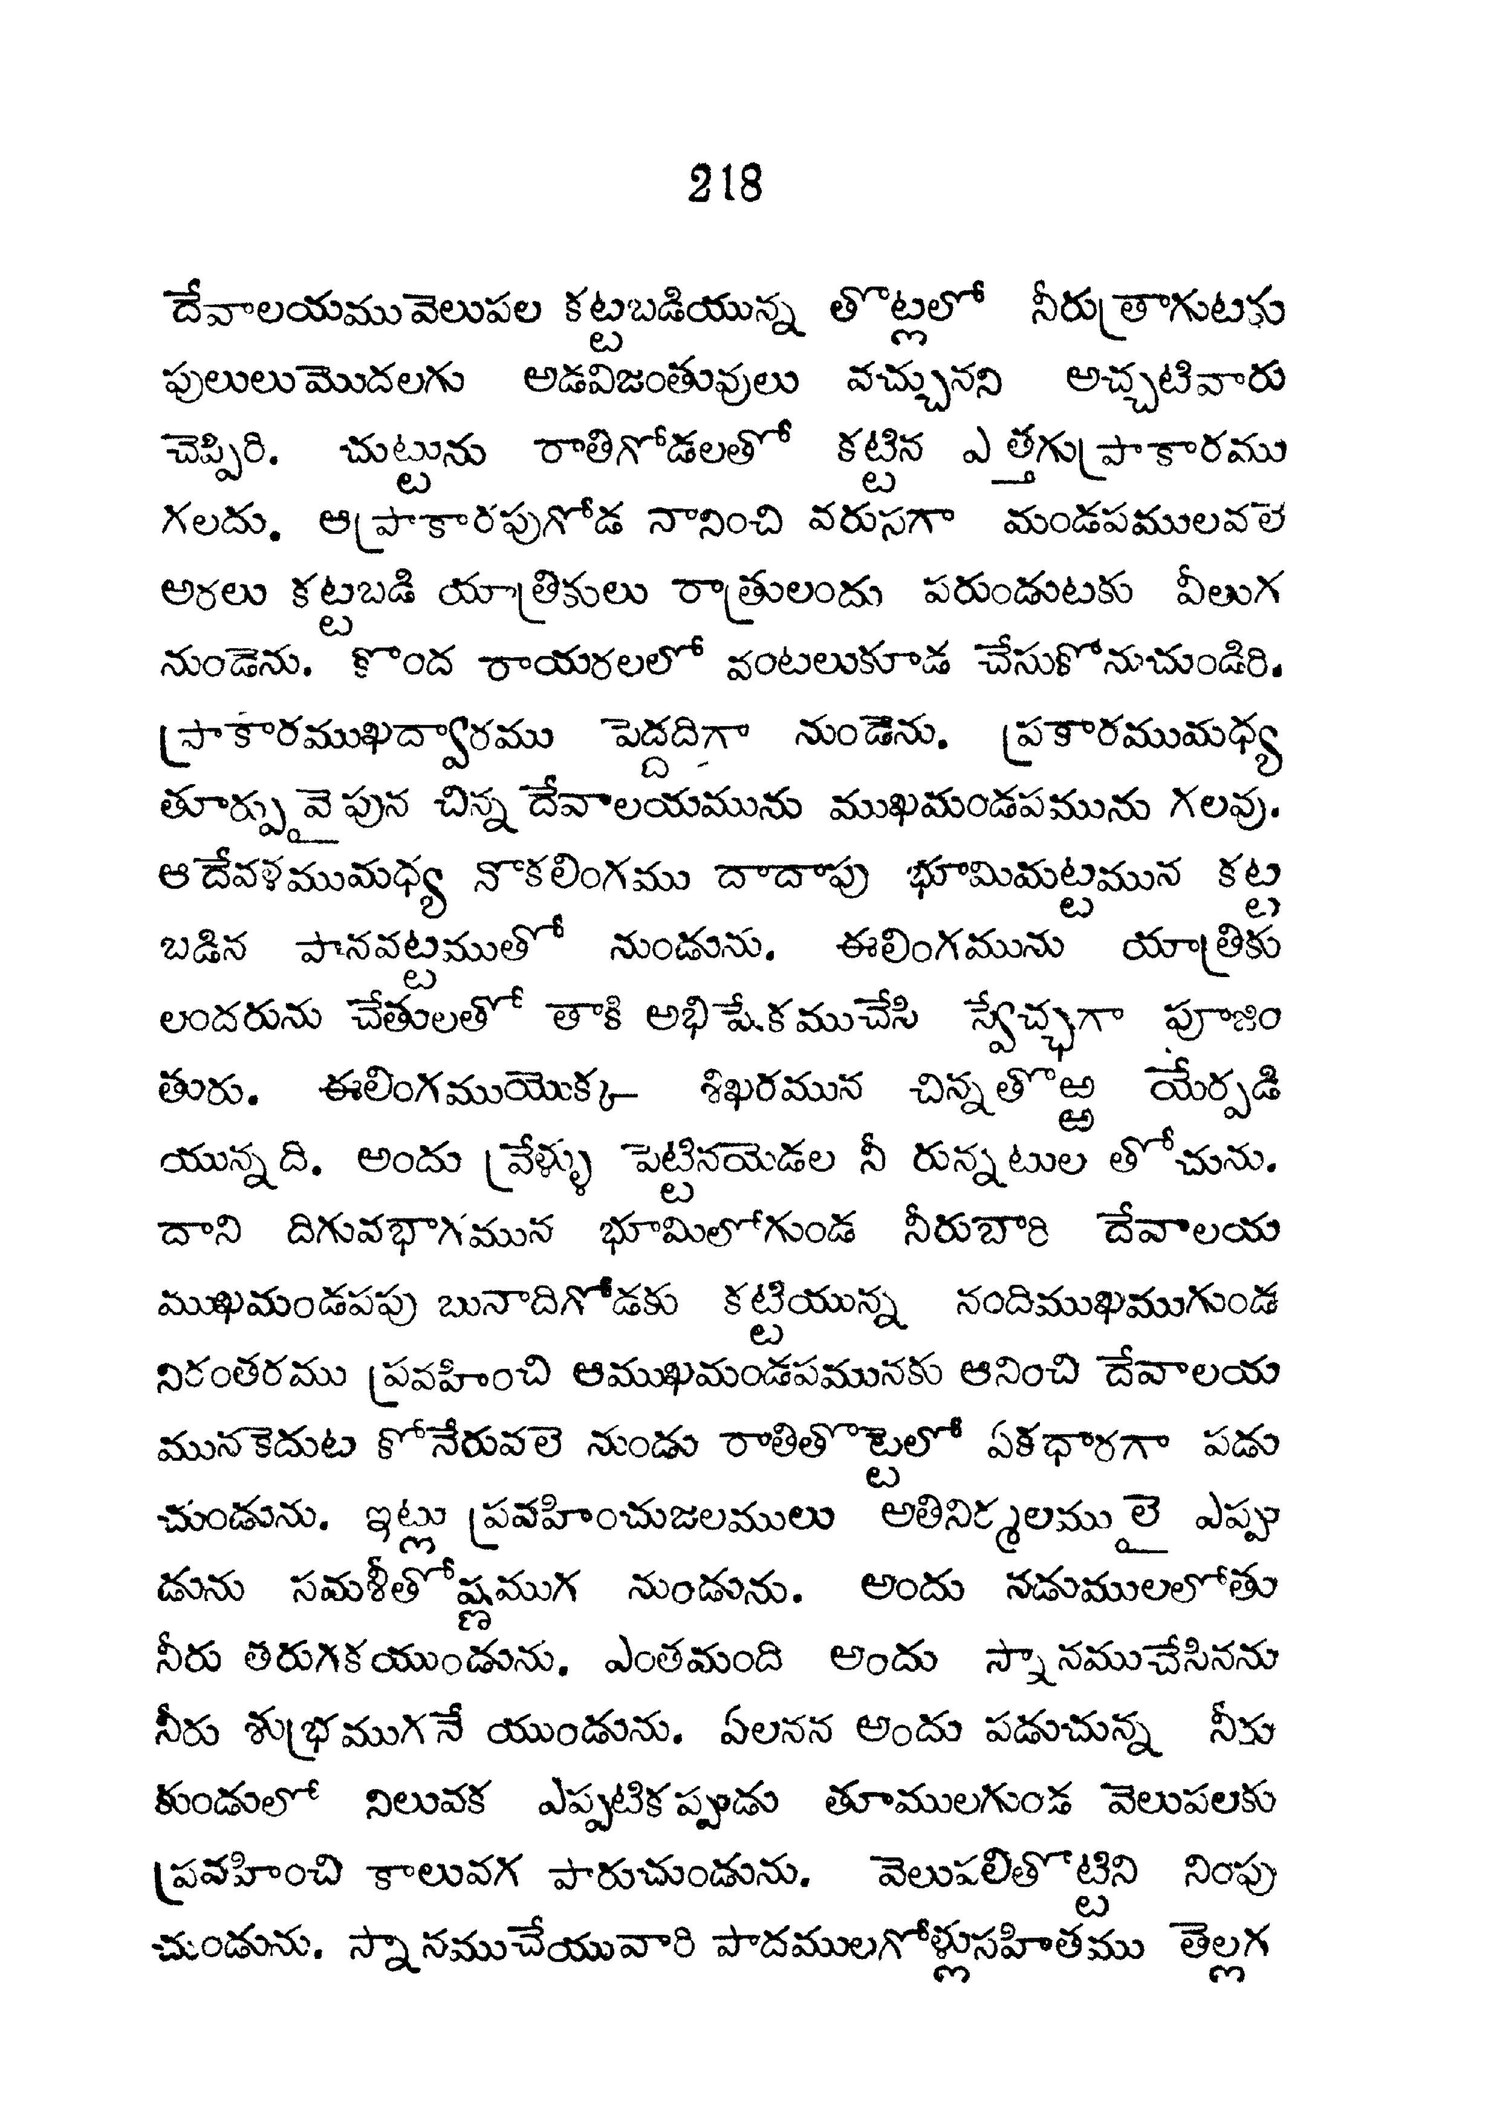దేవాలయమువెలుపల కట్టబడియున్న తొట్లలో నీరుత్రాగుటకు పులులుమొదలగు అడవిజంతువులు వచ్చునని అచ్చటివారు చెప్పిరి. చుట్టును రాతిగోడలతో కట్టిన ఎత్తగుప్రాకారము గలదు. ఆప్రాకారపుగోడ నానించి వరుసగా మండపములవలె అరలు కట్టబడి యాత్రికులు రాత్రులందు పరుండుటకు వీలుగ నుండెను. కొంద రాయరలలో వంటలుకూడ చేసుకొనుచుండిరి. ప్రాకారముఖద్వారము పెద్దదిగా నుండెను. ప్రాకారముమధ్య తూర్పువైపున చిన్నదేవాలయమును ముఖమండపమును గలవు. ఆదేవళముమధ్య నొకలింగము దాదాపు భూమిమట్టమున కట్టబడిన పానవట్టముతో నుండును. ఈలింగమును యాత్రికులందరును చేతులతో తాకి అభిషేకముచేసి స్వేచ్ఛగా పూజింతురు. ఈలింగముయొక్క శిఖరమున చిన్నతొఱ్ఱ యేర్పడియున్నది. అందు వ్రేళ్ళు పెట్టినయెడల నీ రున్నటుల తోచును. దాని దిగువభాగమున భూమిలోగుండ నీరుబారి దేవాలయ ముఖమండపు బునాదిగోడకు కట్టియున్న నందిముఖముగుండ నిరంతరము ప్రవహించి ఆముఖమండపమునకు ఆనించి దేవాలయమునకెదుట కోనేరువలె నుండు రాతితొట్టెలో ఏకధారగా పడుచుండును. ఇట్లు ప్రవహించుజలములు అతినిర్మలములై ఎప్పుడును సమశీతోష్ణముగ నుండును. అందు నడుములలోతు నీరు తరుగకయుండును. ఎంతమంది అందు స్నానముచేసినను నీరు శుభ్రముగనే యుండును. ఏలనన అందు పడుచున్న నీరు కుండులో నిలువక ఎప్పటికప్పుడు తూములగుండ వెలుపలకు ప్రవహించి కాలువగ పారుచుండును. వెలుపలితొట్టిని నింపు చుండును. స్నానముచేయువారి పాదములగోళ్లుసహితము తెల్లగ